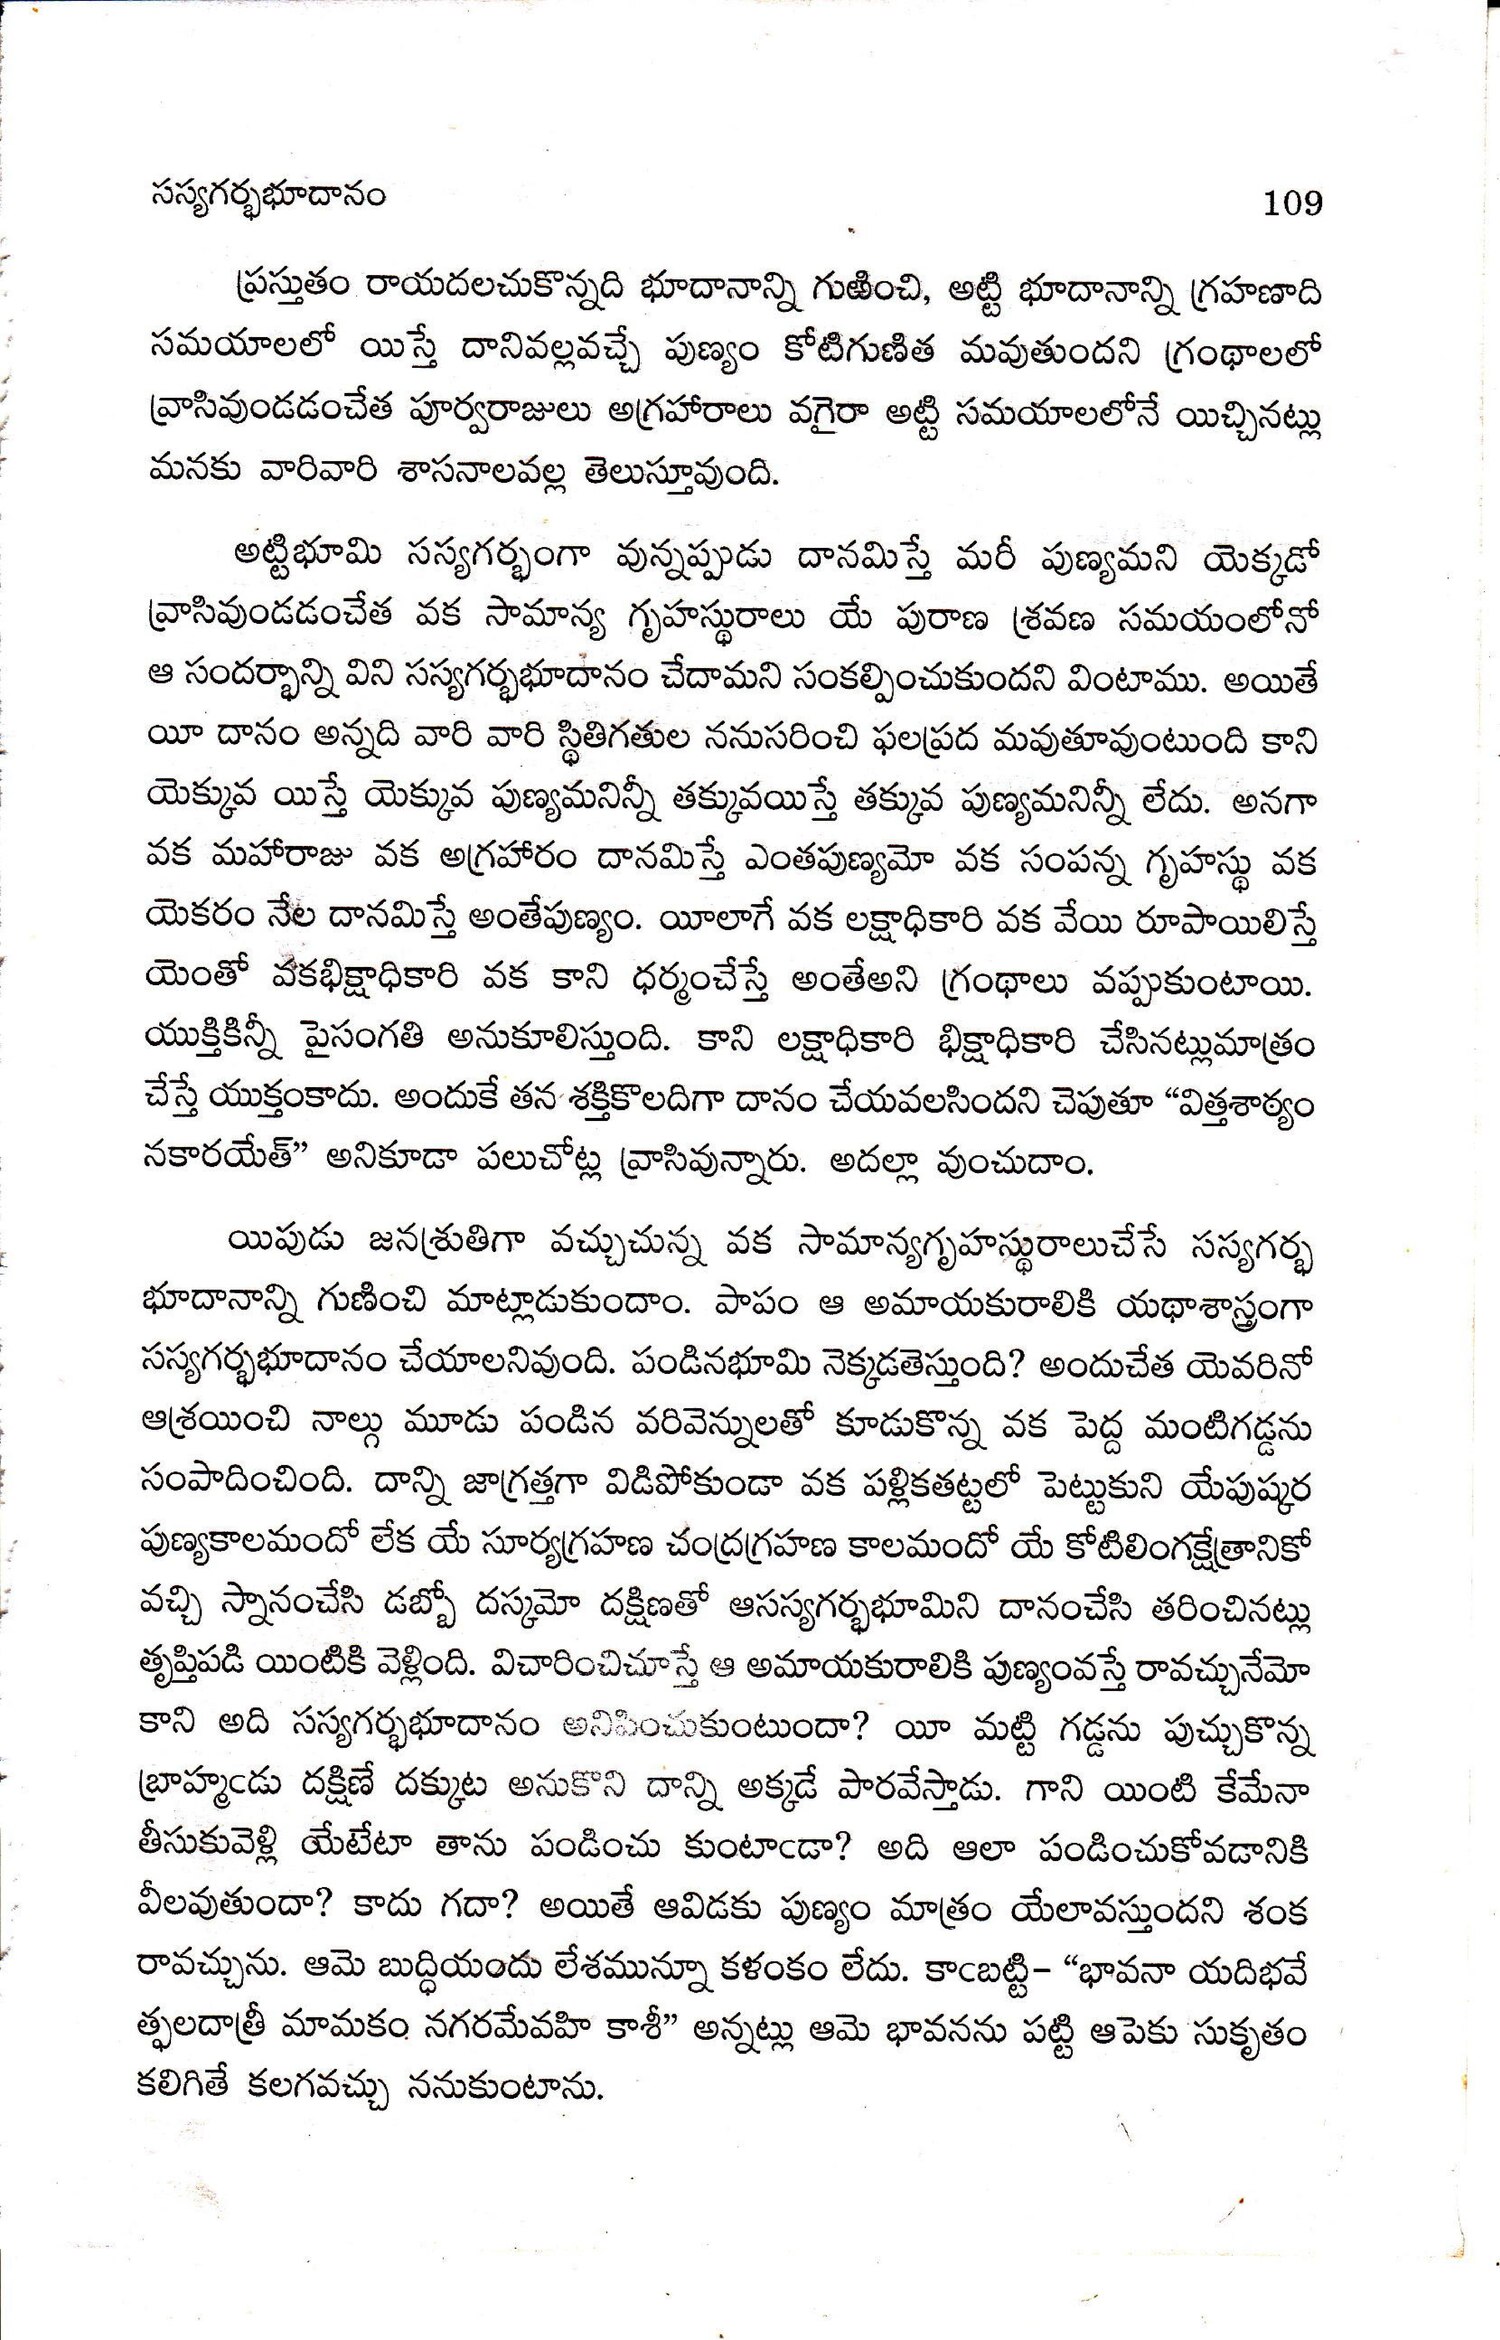ప్రస్తుతం రాయదలచుకొన్నది భూదానాన్ని గుణించి, అట్టి భూదానాన్ని గ్రహణాది సమయాలలో యిస్తే దానివల్లవచ్చే పుణ్యం కోటిగుణిత మవుతుందని గ్రంథాలలో వ్రాసివుండడంచేత పూర్వరాజులు అగ్రహారాలు వగైరా అట్టి సమయాలలోనే యిచ్చినట్లు మనకు వారివారి శాసనాలవల్ల తెలుస్తూవుంది.

అట్టి భూమి సస్యగర్భంగా వున్నప్పడు దానమిస్తే మరీ పుణ్యమని యొక్కడో వ్రాసివుండడంచేత వక సామాన్య గృహస్టురాలు యే పురాణ శ్రవణ సమయంలోనో ఆ సందర్భాన్ని విని సస్యగర్భభూదానం చేదామని సంకల్పించుకుందని వింటాము. అయితే యీ దానం అన్నది వారి వారి స్థితిగతుల ననుసరించి ఫలప్రద మవుతూవుంటుంది కాని యొక్కువ యిస్తే యెక్కువ పుణ్యమనిన్నీ తక్కువయిస్తే తక్కువ పుణ్యమనిన్నీ లేదు. అనగా వక మహారాజు వక అగ్రహారం దానమిస్తే ఎంతపుణ్యమో వక సంపన్న గృహస్టు వక యొకరం నేల దానమిస్తే అంతేపుణ్యం. యీలాగే వక లక్షాధికారి వక వేయి రూపాయిలిస్తే యెంతో వకభిక్షాధికారి వక కాని ధర్మంచేస్తే అంతేఅని గ్రంథాలు వప్పకుంటాయి. యుక్తికిన్నీ పైసంగతి అనుకూలిస్తుంది. కాని లక్షాధికారి భిక్షాధికారి చేసినట్లుమాత్రం చేస్తే యుక్తంకాదు. అందుకే తన శక్తికొలదిగా దానం చేయవలసిందని చెపుతూ "విత్తశాఠ్యం నకారయేత్ అనికూడా పలుచోట్ల వ్రాసివున్నారు. అదలా వుంచుదాం.

యిపుడు జనశ్రుతిగా వచ్చుచున్న వక సామాన్యగృహసురాలుచేసే సస్యగర్భ భూదానాన్ని గుణించి మాట్లాడుకుందాం. పాపం ఆ అమాయకురాలికి యథాశాస్త్రంగా సస్యగర్భభూదానం చేయాలనివుంది. పండినభూమి నెక్కడతెస్తుంది? అందుచేత యెవరినో ఆశ్రయించి నాలు మూడు పండిన వరివెన్నులతో కూడుకొన్న వక పెద్ద మంటిగడ్డను సంపాదించింది. దాన్ని జాగ్రత్తగా విడిపోకుండా వక పళ్లికతట్టలో పెట్టుకుని యేపుష్కర పుణ్యకాలమందో లేక యే సూర్యగ్రహణ చంద్రగ్రహణ కాలమందో యే కోటిలింగక్షేత్రానికో వచ్చి స్నానంచేసి డబ్బో దస్కమో దక్షిణతో ఆసస్యగర్భభూమిని దానంచేసి తరించినట్లు తృప్తిపడి యింటికి వెళ్లింది. విచారించిచూస్తే ఆ అమాయకురాలికి పుణ్యంవస్తే రావచ్చునేమో కాని అది సస్యగర్భభూదానం అనిష్ఠించుకుంటుందా? యీ మట్టి గడ్డను పుచ్చుకొన్న బ్రాహ్మండు దక్షిణే దక్కుట అనుకొని దాన్ని అక్కడే పారవేస్తాడు. గాని యింటి కేమేనా తీసుకువెళ్లి యేటేటా తాను పండించు కుంటాండా? అది ఆలా పండించుకోవడానికి వీలవుతుందా? కాదు గదా? అయితే ఆవిడకు పుణ్యం మాత్రం యేలావస్తుందని శంక రావచ్చును. ఆమె బుద్ధియందు లేశమున్నూ కళంకం లేదు. కాcబట్టి- “భావనా యదిభవే త్ఫలదాత్రీ మామకం నగరమేవహి కాశీ" అన్నట్లు ఆమె భావనను పట్టి ఆపెకు సుకృతం కలిగితే కలగవచ్చు ననుకుంటాను.